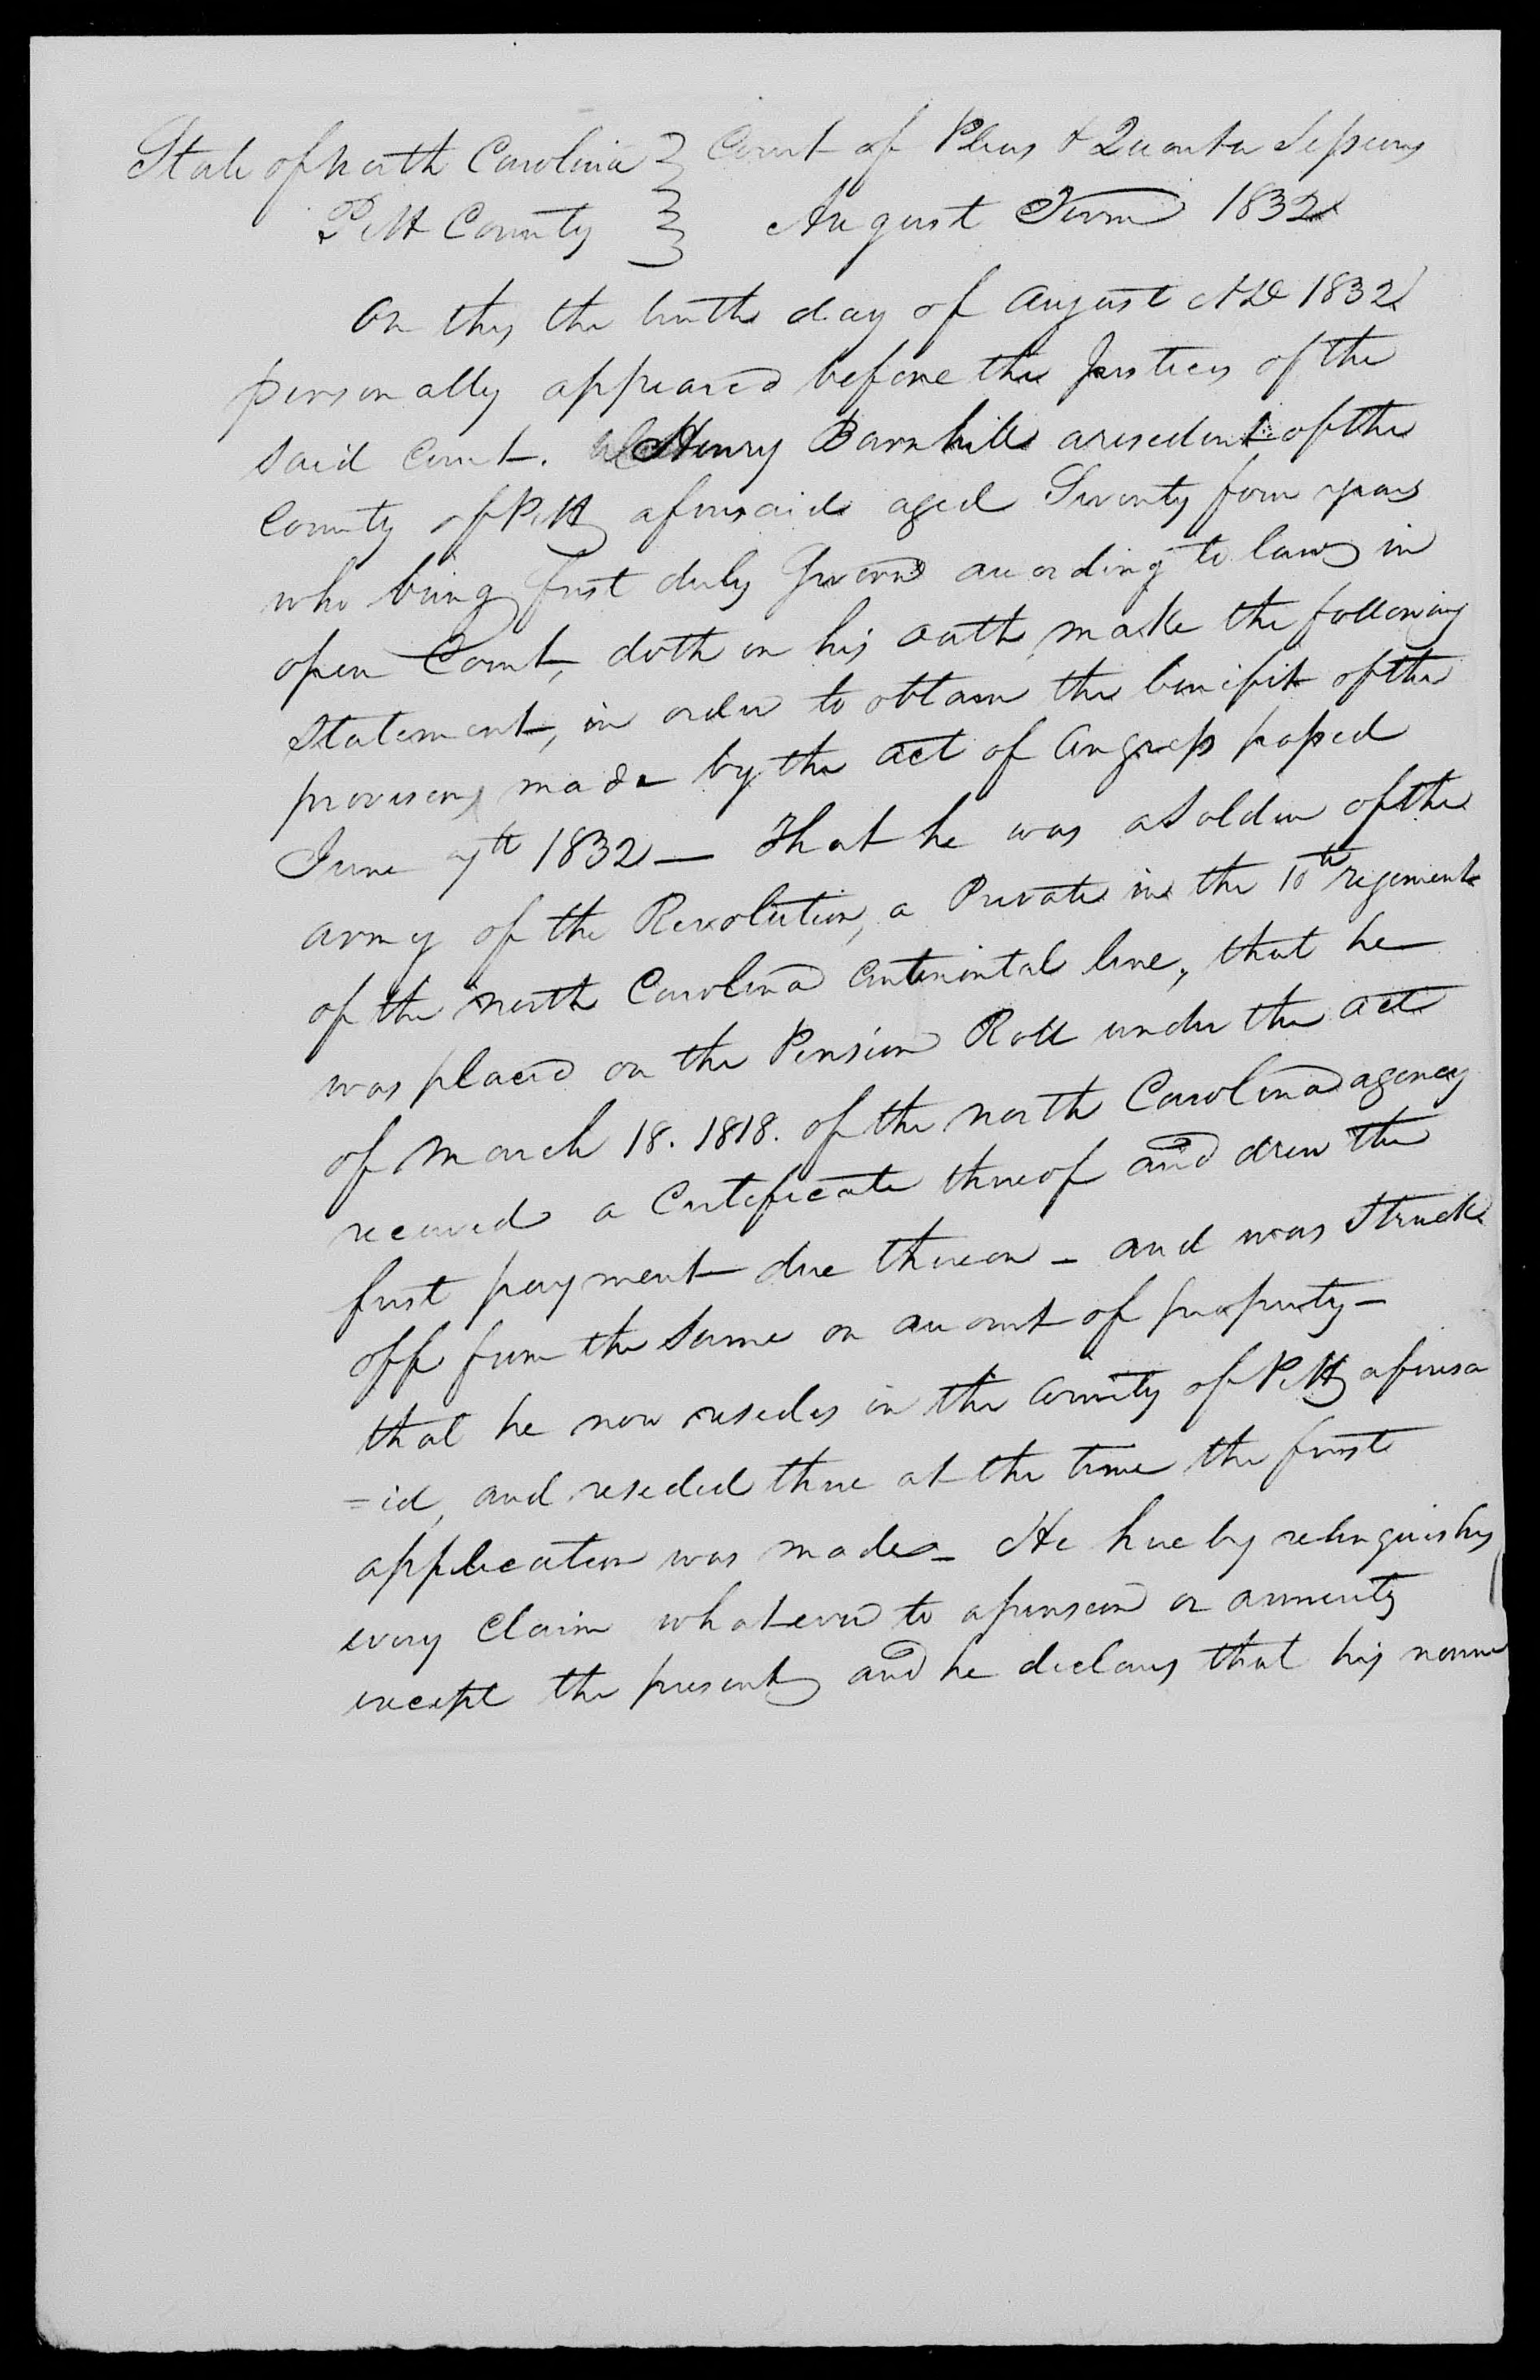State of North Carolina }
Pitt County }
Court of Pleas & Quarter Sessions August Term 1832
On this the tenth day of August AD 1832. personally appeared before the Justices of the said court. Henry Barnhill a resident of the county of Pitt aforesaid aged Seventy four years who being first duly sworn according to law in open court, doth on his oath make the following statement, in order to obtain the benefit of the provisions made by the act of Congress passed June 7th 1832 - That he was a soldier of the army of the Revolution, a Private in the 10th regiment of the North Carolina Continental line, that he was placed on the Pension Roll under the act of March 18. 1818. of the North Carolina agency received a certificate thereof and drew the first payment due thereon - and was stuck off from the same on account of property - that he now resides in the county of Pitt aforesaid, and resided there at the time the first application was made. He hereby relinquishes every claim whatever to a pension or annuity except the present and he declares that his name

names: Henry Barnhill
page: 21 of 42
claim: survivor's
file: S. 6579, Henry Barnhill, N. C.